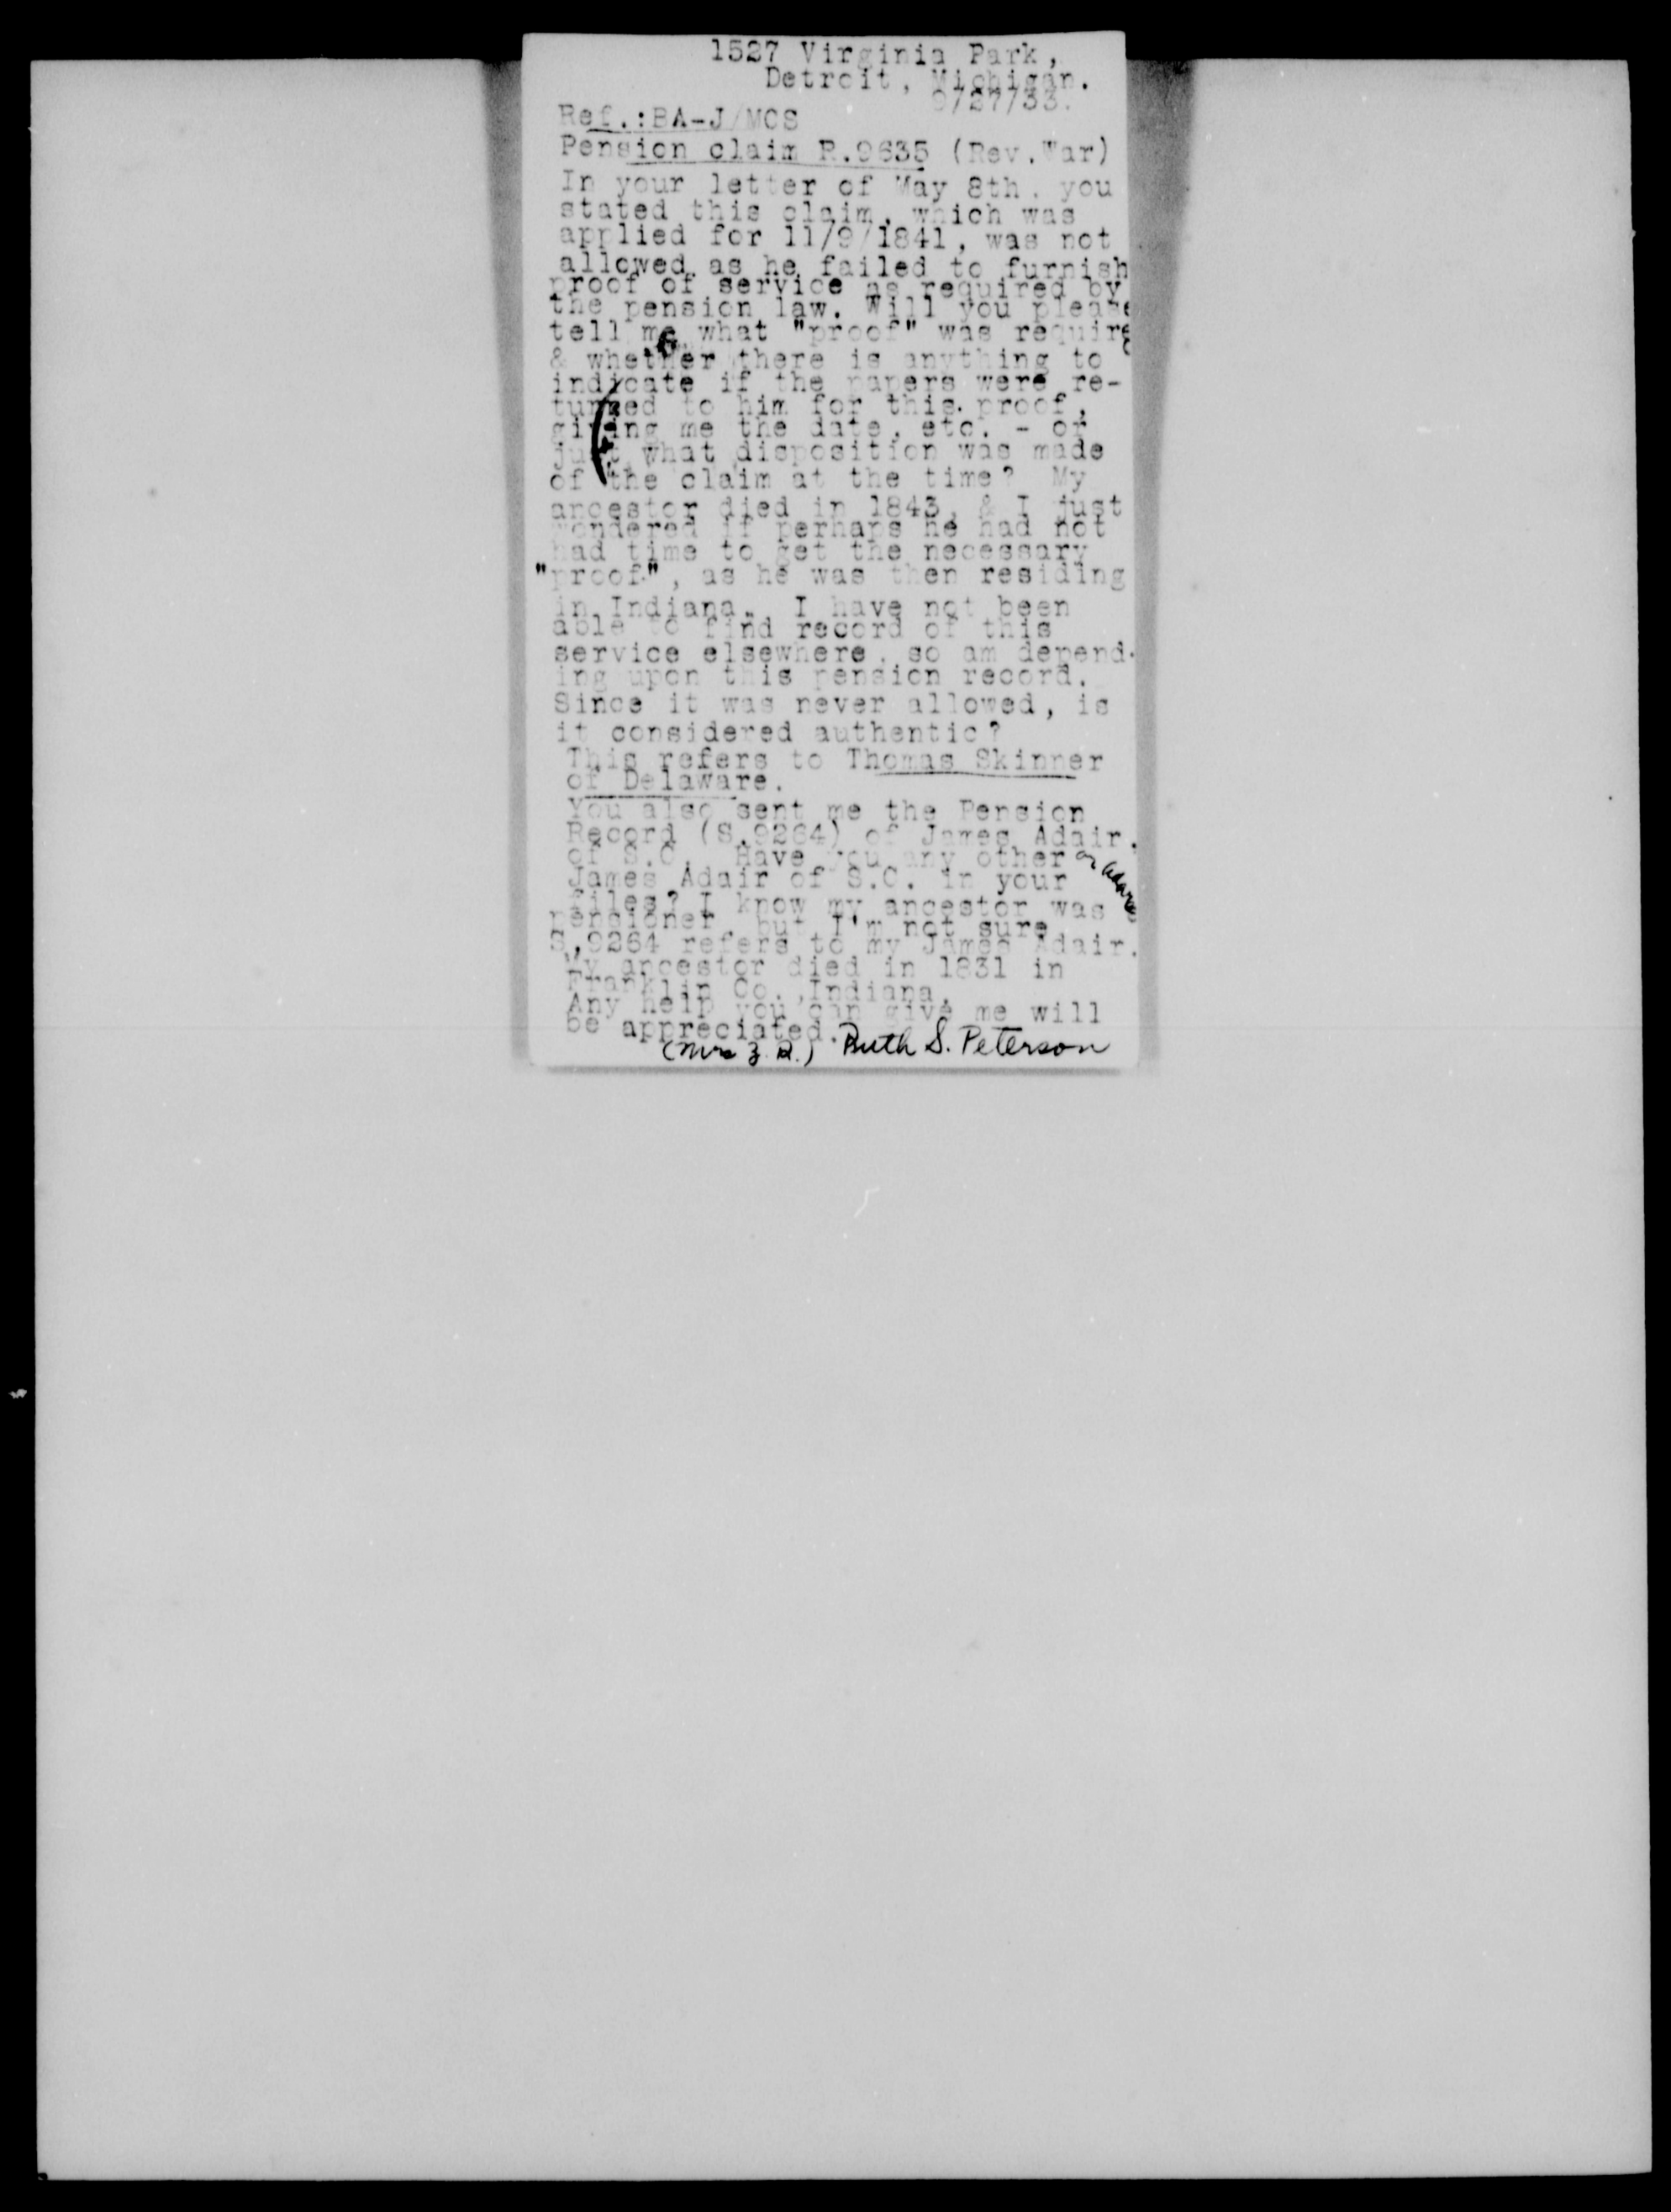1527 Virginia Park. Detroit, Michigan 9/27/33
Ref.: BA-J/MCS
Pension claim R.9635 (Rev. War)
In your letter of May 8th, you stated this claim, which was applied for 11/9/1841, was not allowed as he failed to furnish proof of service as required by the pension law. Will you please tell me what "proof" was required & whether there is anything to indicate if the papers were returned to him for this proof, giving me the date, etc. - or just what disposition was made of the claim at the time? May ancestor died in 1843 & I just wondered if perhaps he had not had time to get the necessary "proof" as he was residing in Indiana.  I have not been able to find record of this service elsewhere, so I am depending upon this pension record.  Since it was never allowed, is it considered authentic?  This refers to Thomas Skinner of Delaware.  
You also sent me the Pension Record (S.9264) of James Adair, of S.C.  Have you any other James Adair of S.C. in your files?  I know my ancestor was a pensioner, but I'm not sure S.9264 refers to my James Adair.  My ancestor died in 1831 in Franklin Co. Indiana.
Any help you can give me will be appreciated.  (Mrs. Z.R.) Ruth S. Peterson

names: James Adair; Ruth S Peterson; James Adair; James Adair; Thomas Skinner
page: 15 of 33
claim: rejected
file: R. 9635, for Thomas Skinner, Delaware